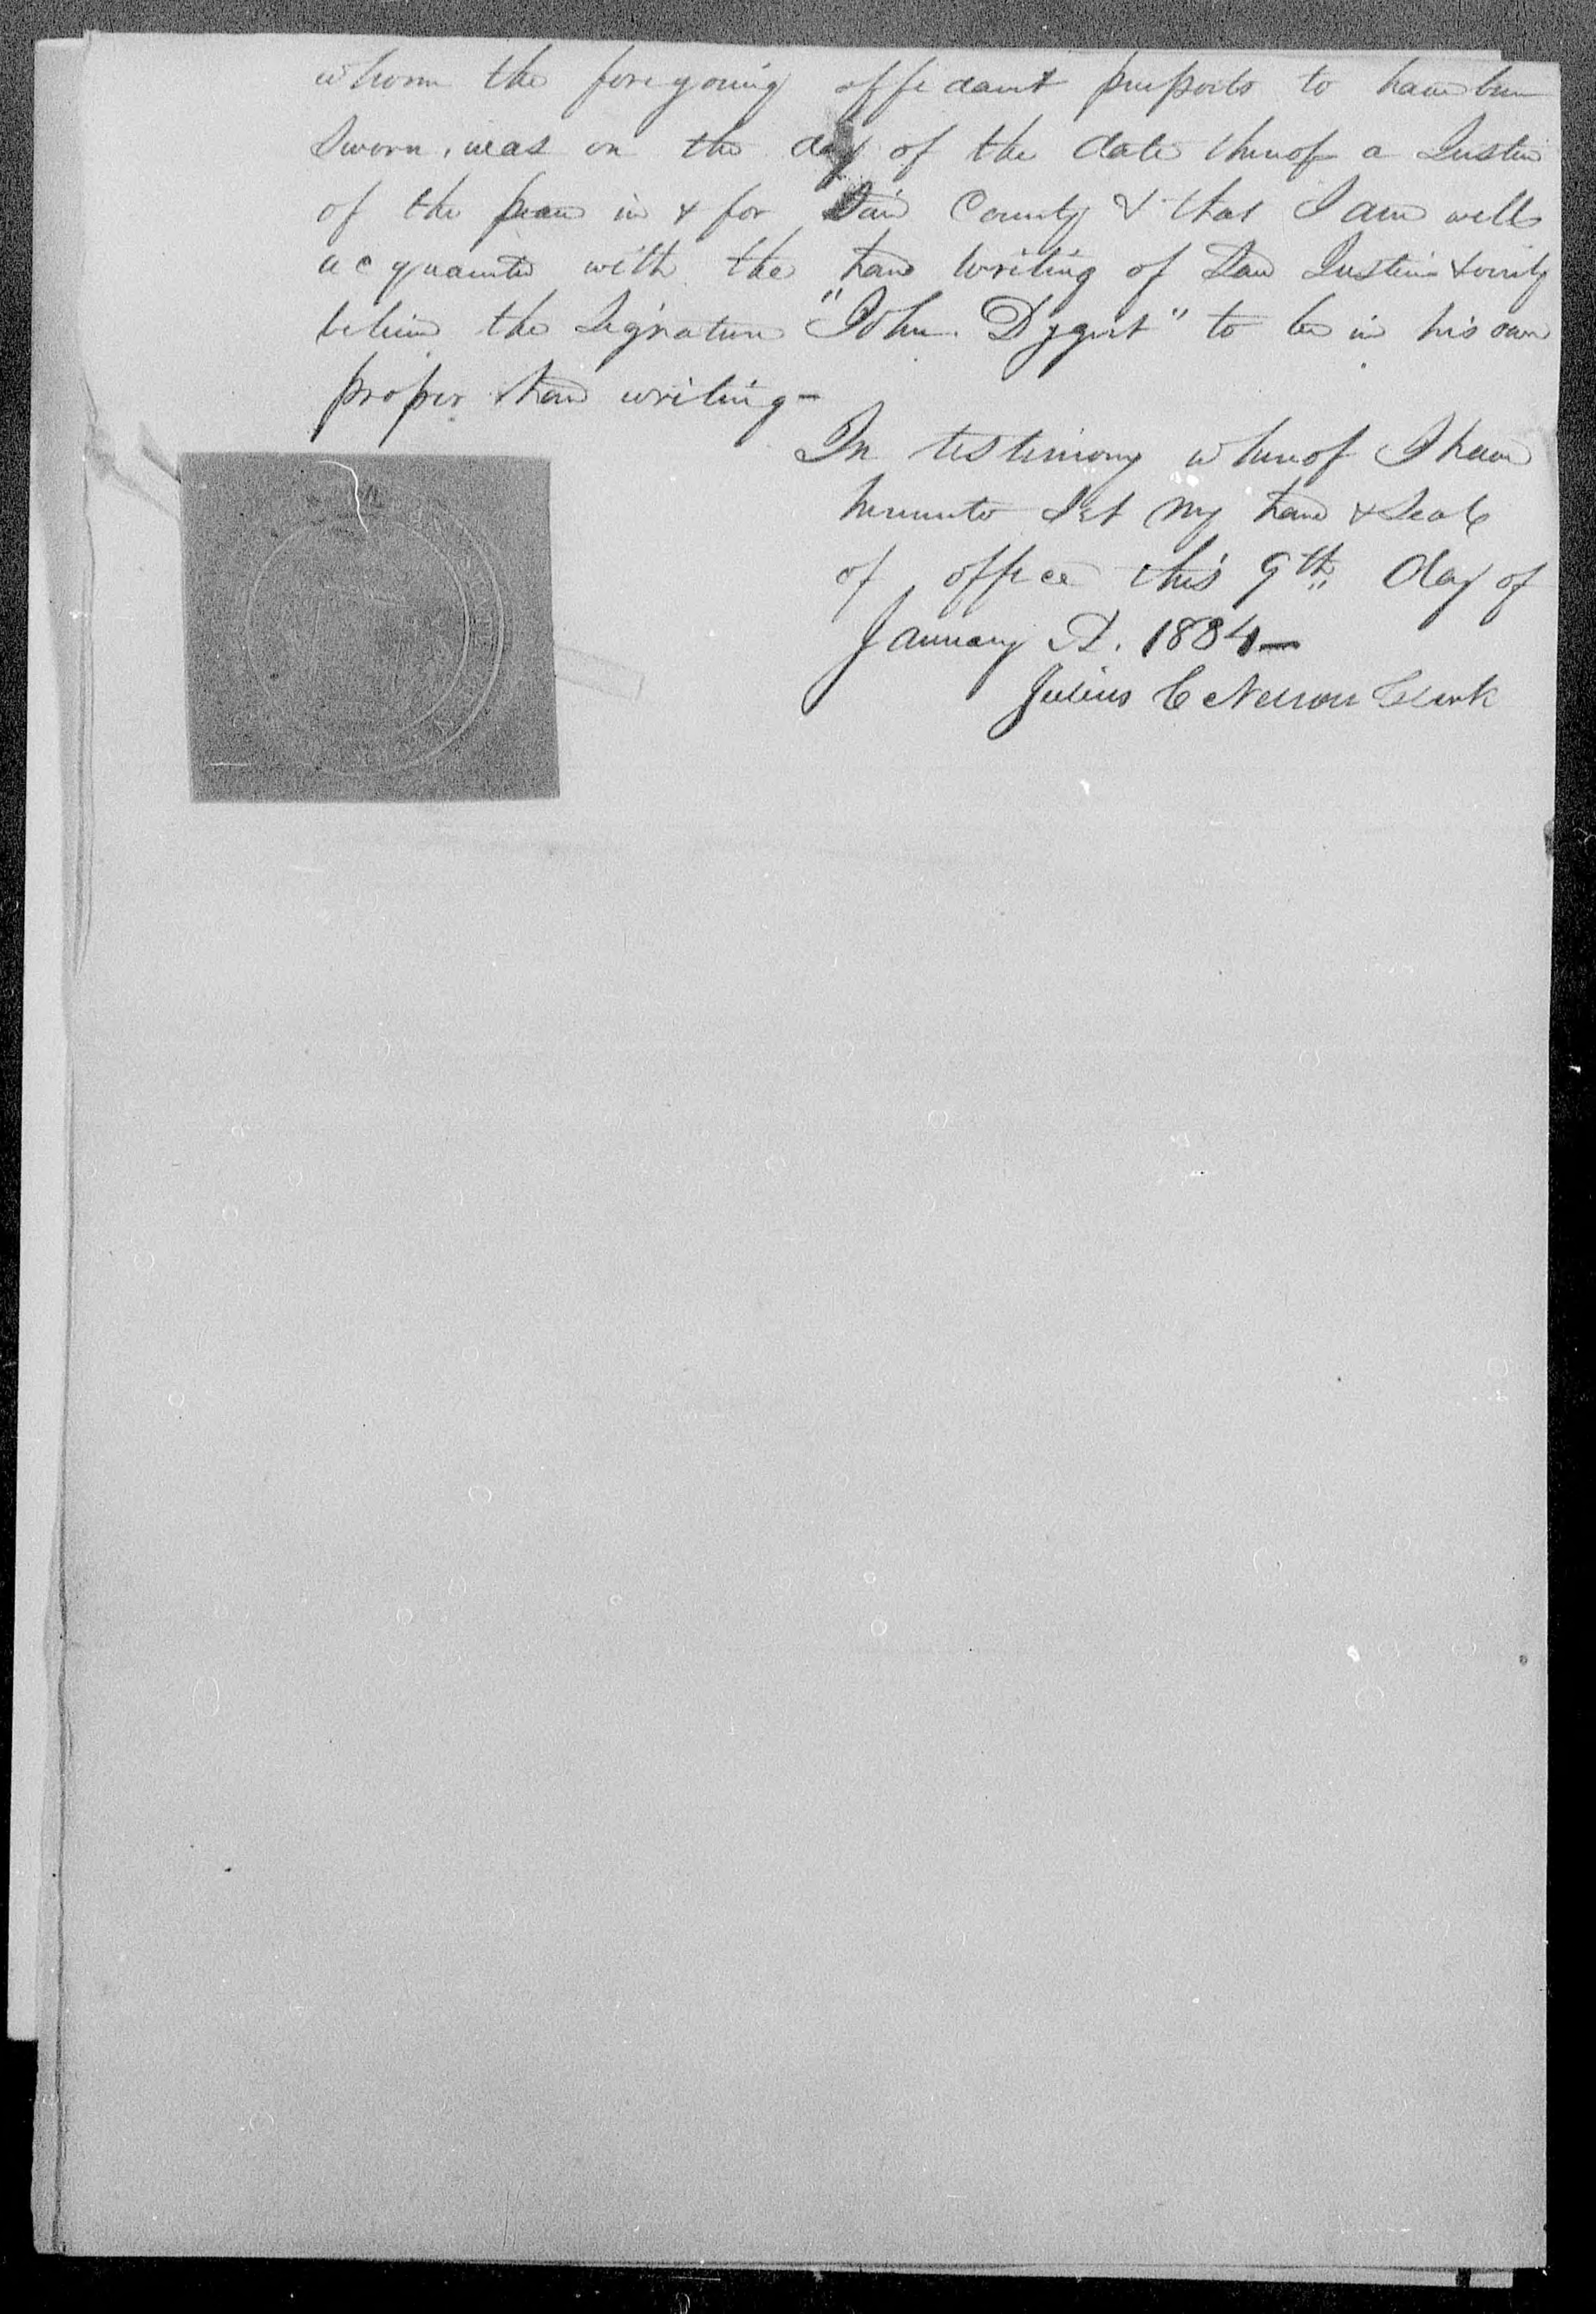whom the foregoing affidavit purports to have the sworn, was on the day of the date thereof a Justice of the peace in & for said County & that I am well acquainted with the hand writing of said Justice & verily believe the signature "John Dygert" to be in his own proper hand writing – 
In testimony whereof I have hereunto set my hand & Seal of office this 9th day of January AD. 1834. 
[signed] Julius C Nelson Clerk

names: Julius C Nelson, John Dygert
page: 51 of 66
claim: widow's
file: W. 6637, Richard Caslar, New York